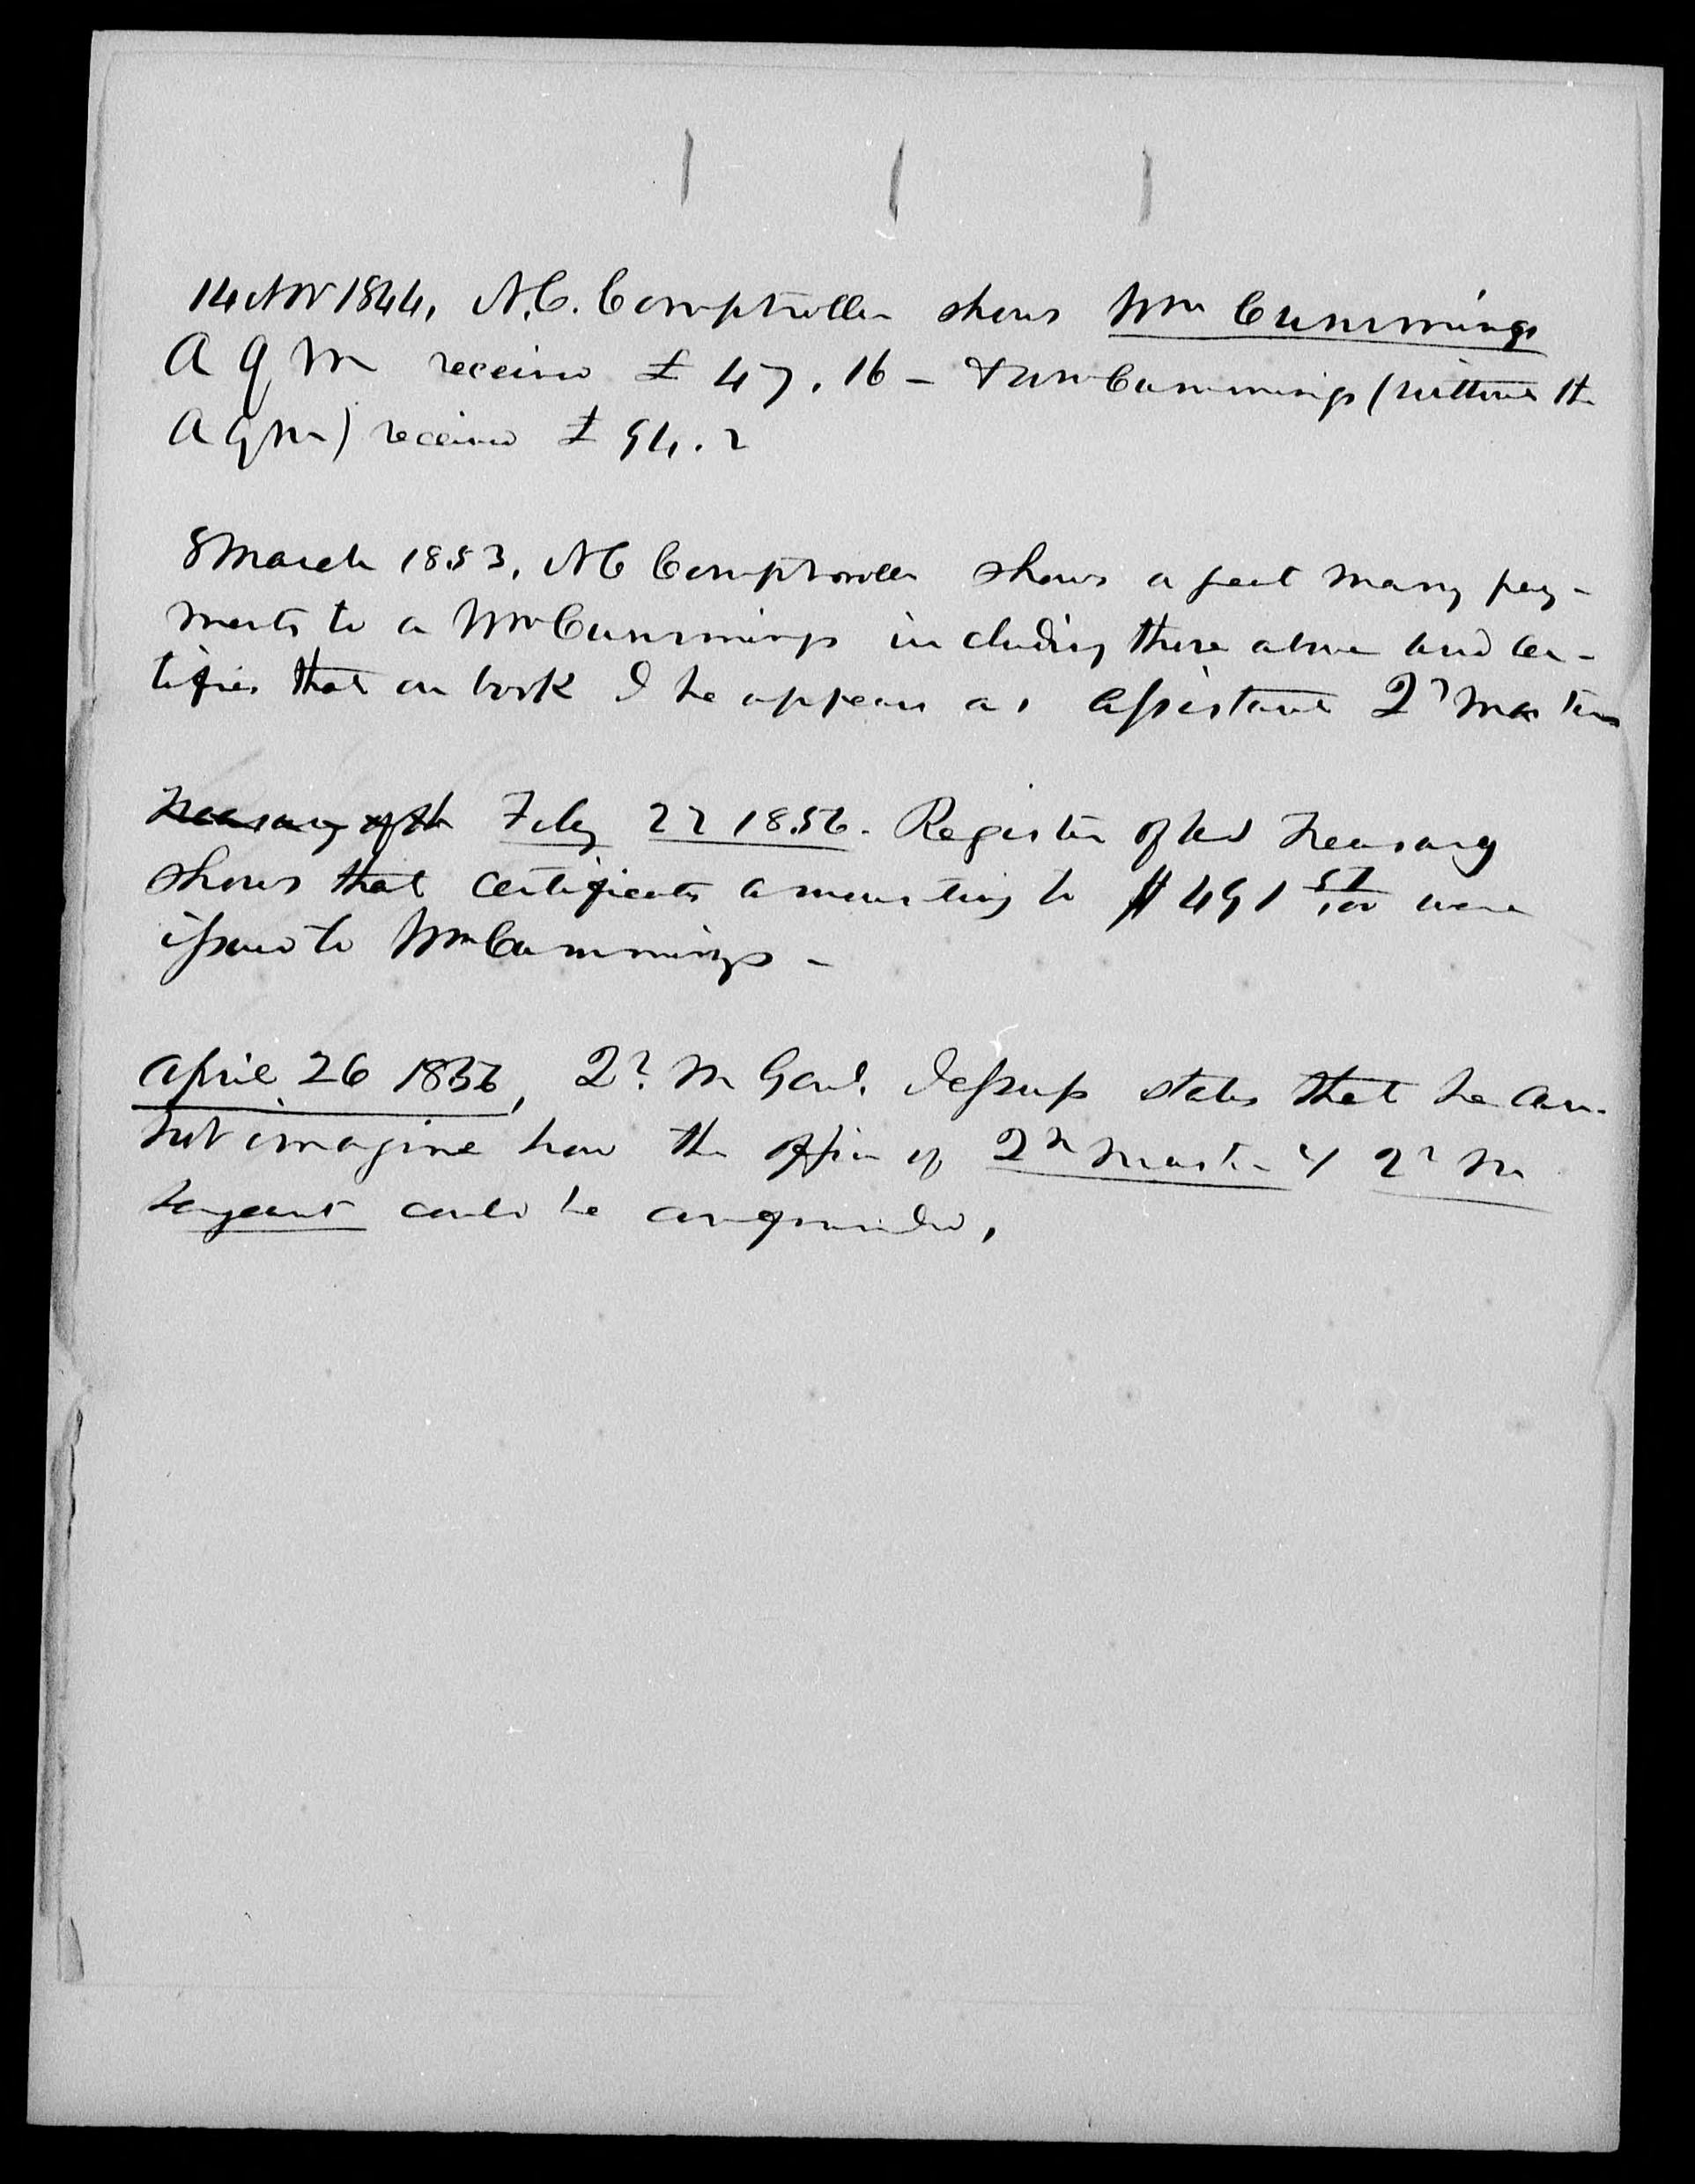[Another continuation page of handwritten account.]

14 Nov 1844, N.C. Comptroller shows [here the name is underlined] Wm [William] Cummings A 
Q M [possibly meaning ? A Quarter Master] received [monetary pound sign] 47.16 - and Wm Cummings [illegible] A Q M) [possibly meaning A Quarter Master] received [monetary pound sign] 94.2

8 March 1853, NC Comptroller shows a [?] geat [possibly meaning great] [or ? fact] many payments to a Wm Cummings including those above and testifies that on book [illegible mark] he appears as assistant Qr [Quarter] Master

[Stricken through phrase appears to be:] Necsary of th- [Here the following date is underlined:] Feby 22 1856. Register of [illegible] Treasury shows that Certificates amounting to $491.57/100 [or $491.51/100] were issued to Wm Cummings - 

[The date is underlined:] April 26 1856, Qr.M  [Quarter Master] Genl. [Genral] Jessup [or ? Jeffries] states that he cannot imagine how the office of [here the following titles are underlined:] Qr [Quarter] Master [illegible possible symbol for "and"] QrM [Quarter Master] Sergeant could be confounded,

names: Jessup, Wm Cummings, Wm Cummings, Wm Cummings, Wm Cummings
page: 58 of 145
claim: survivor's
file: S. 8265, William Cumming, N.C.